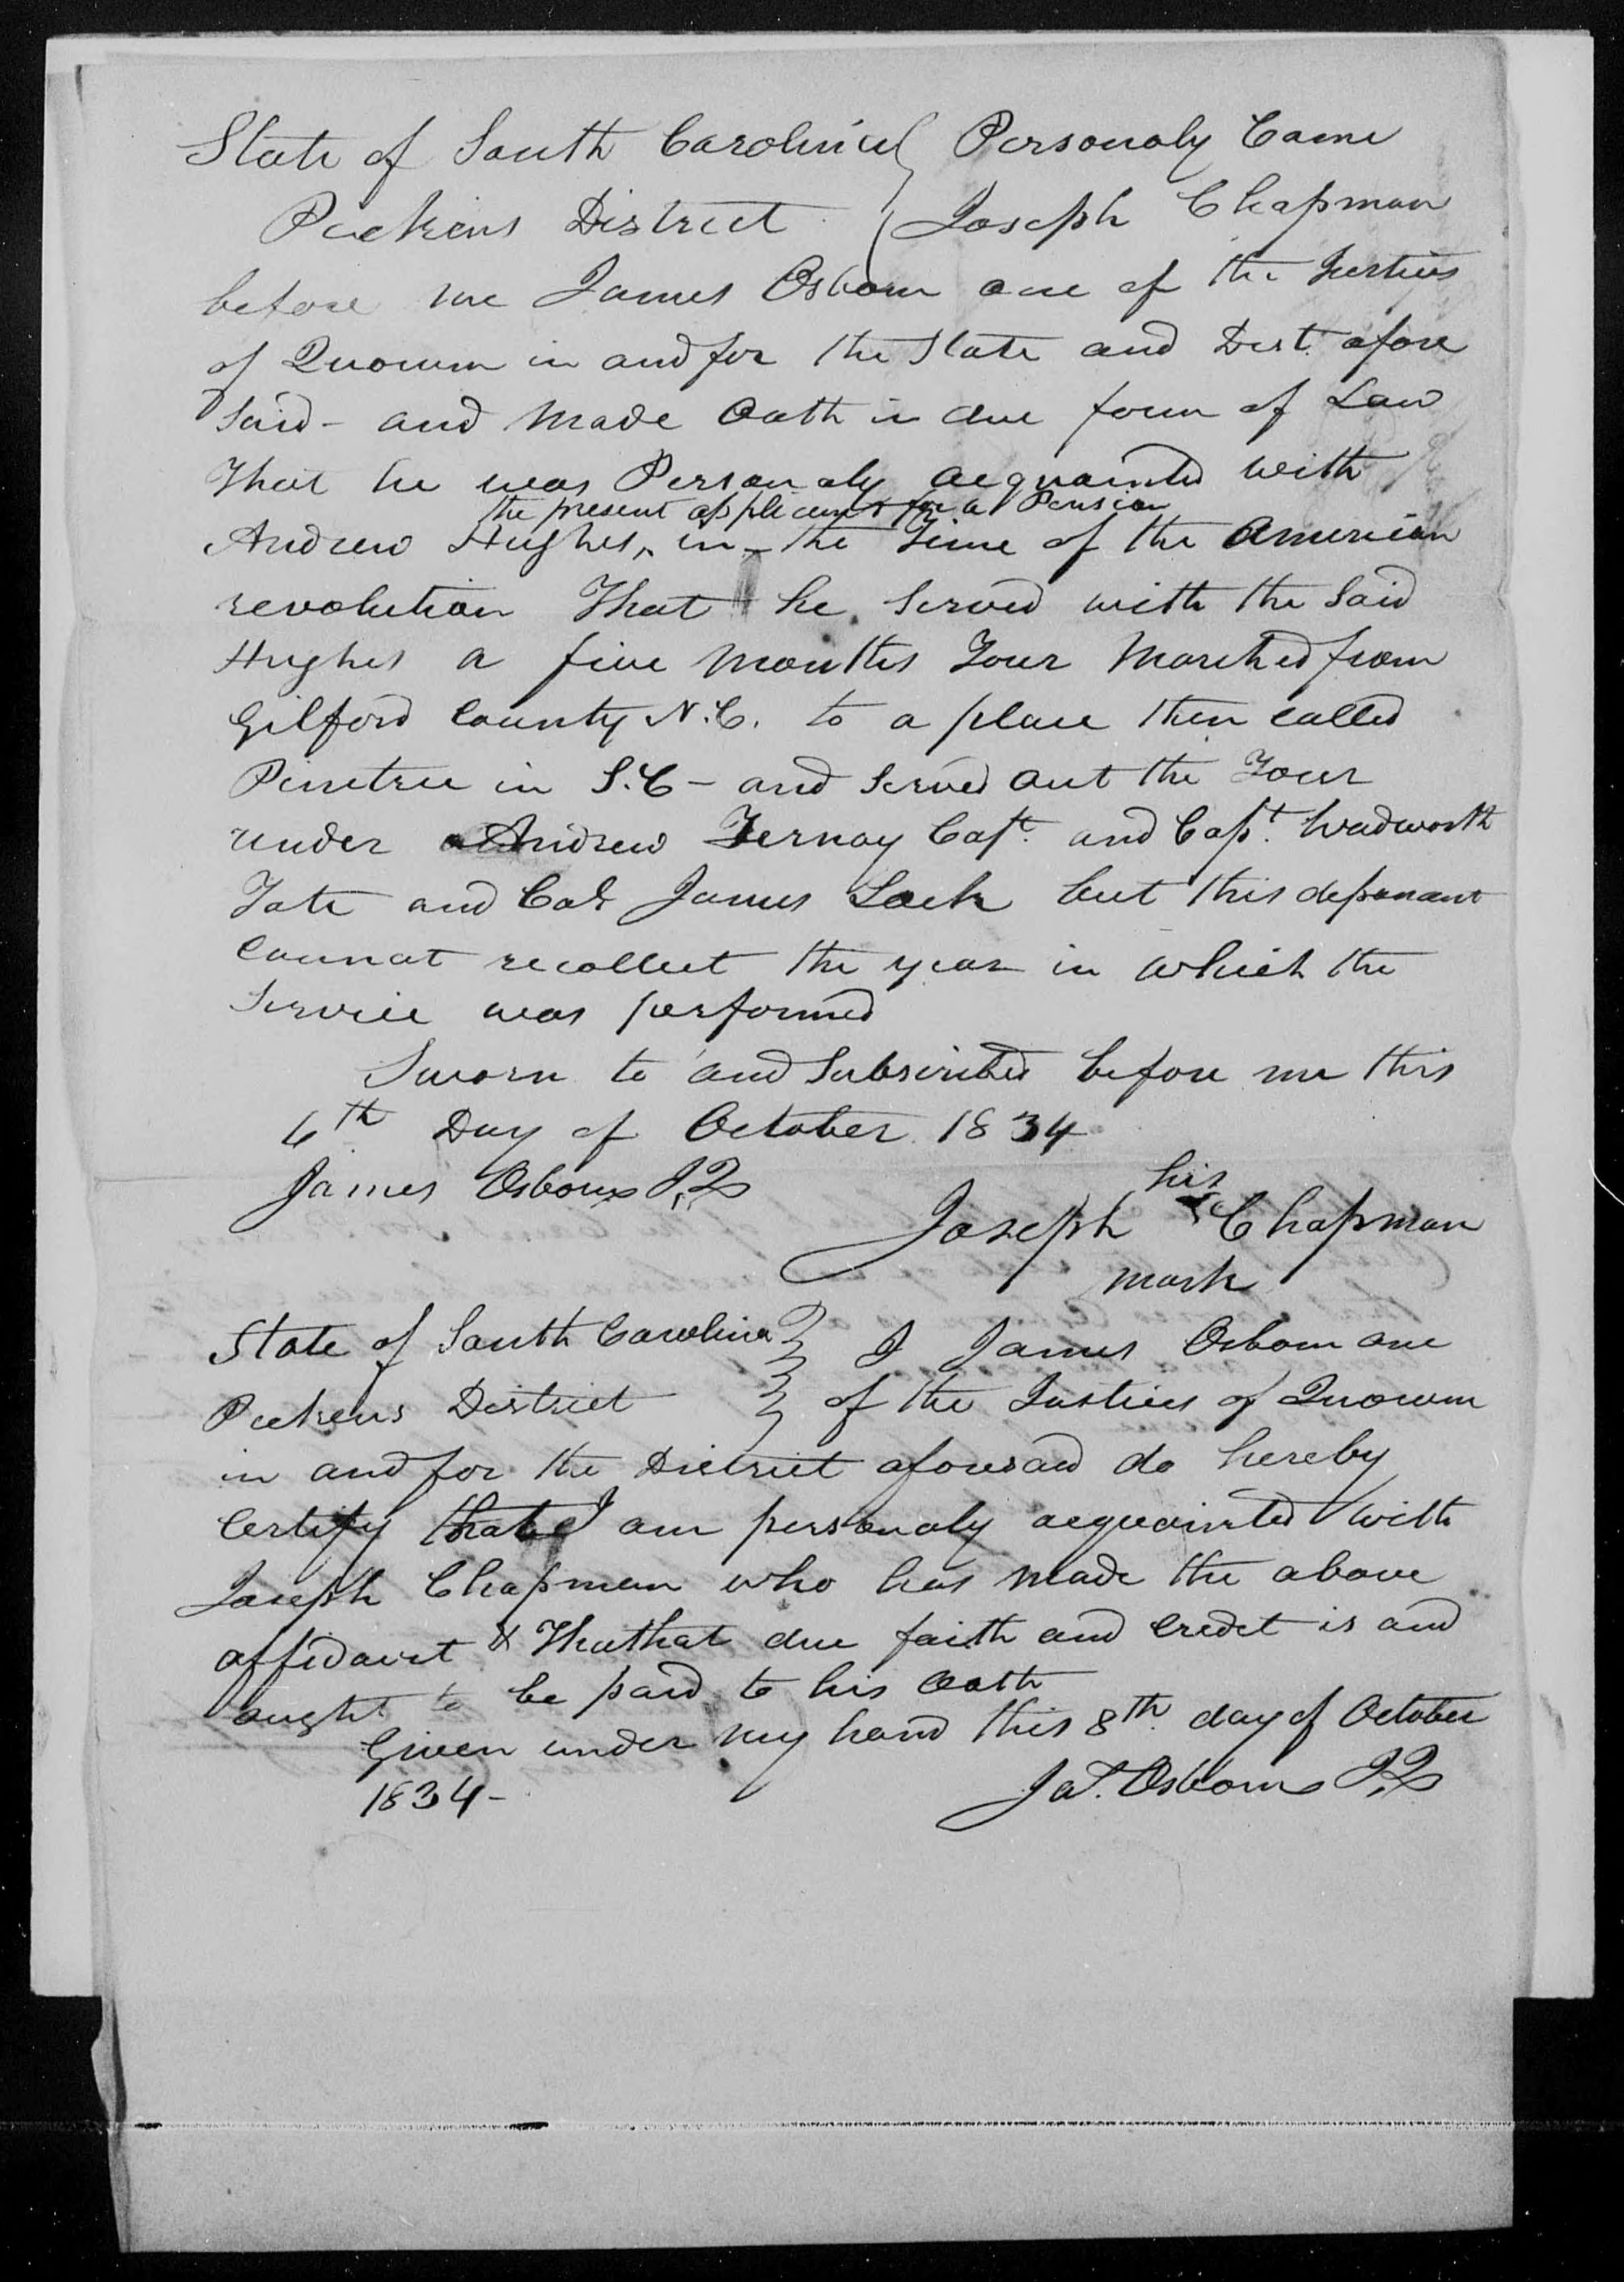State of South Carolina
Pickens District
Personally Came Joseph Chapman before me James Osborn all of the Justices of Quorum in and for the State and Dist. aforesaid - and made oath in and [illegible] of Law that he was Personally acquainted with Andrew Hughes the present applicant for a pension in the time of the American Revolution. that he served with the said Hughes a five months Tour Marched from Gilford County N.C. to a place then called Pinetree in S. C. - and served out the Tour under Andrew Ternay Capt. and Capt. Wadworth Tate and Cap .James Lack but this [illegible] cannot recollect the year in which the Service was performed.
Sworn to and subscribed before me this 6th Day of October 1834. James Osborn J.L.
Joseph Chapman his mark
State of South Carolina
Pickens District
I James Osborn am of the Justice of Quorum in and for the District aforesaid do hereby Certify that am personally acquainted with Joseph Chapman who has made the above affidavit. He that due faith and [illegible] is and aught to be paid to his oath.
Given under my hand this 8th day of October 1834.
Ja. Osborn, J.L.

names: James Lack, Andrew Hughes, Joseph Chapman, James Osborn, Wadworth Tate, Andrew Ternay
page: 58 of 75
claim: widow's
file: W. 25805, Andrew Hughes, N.C.